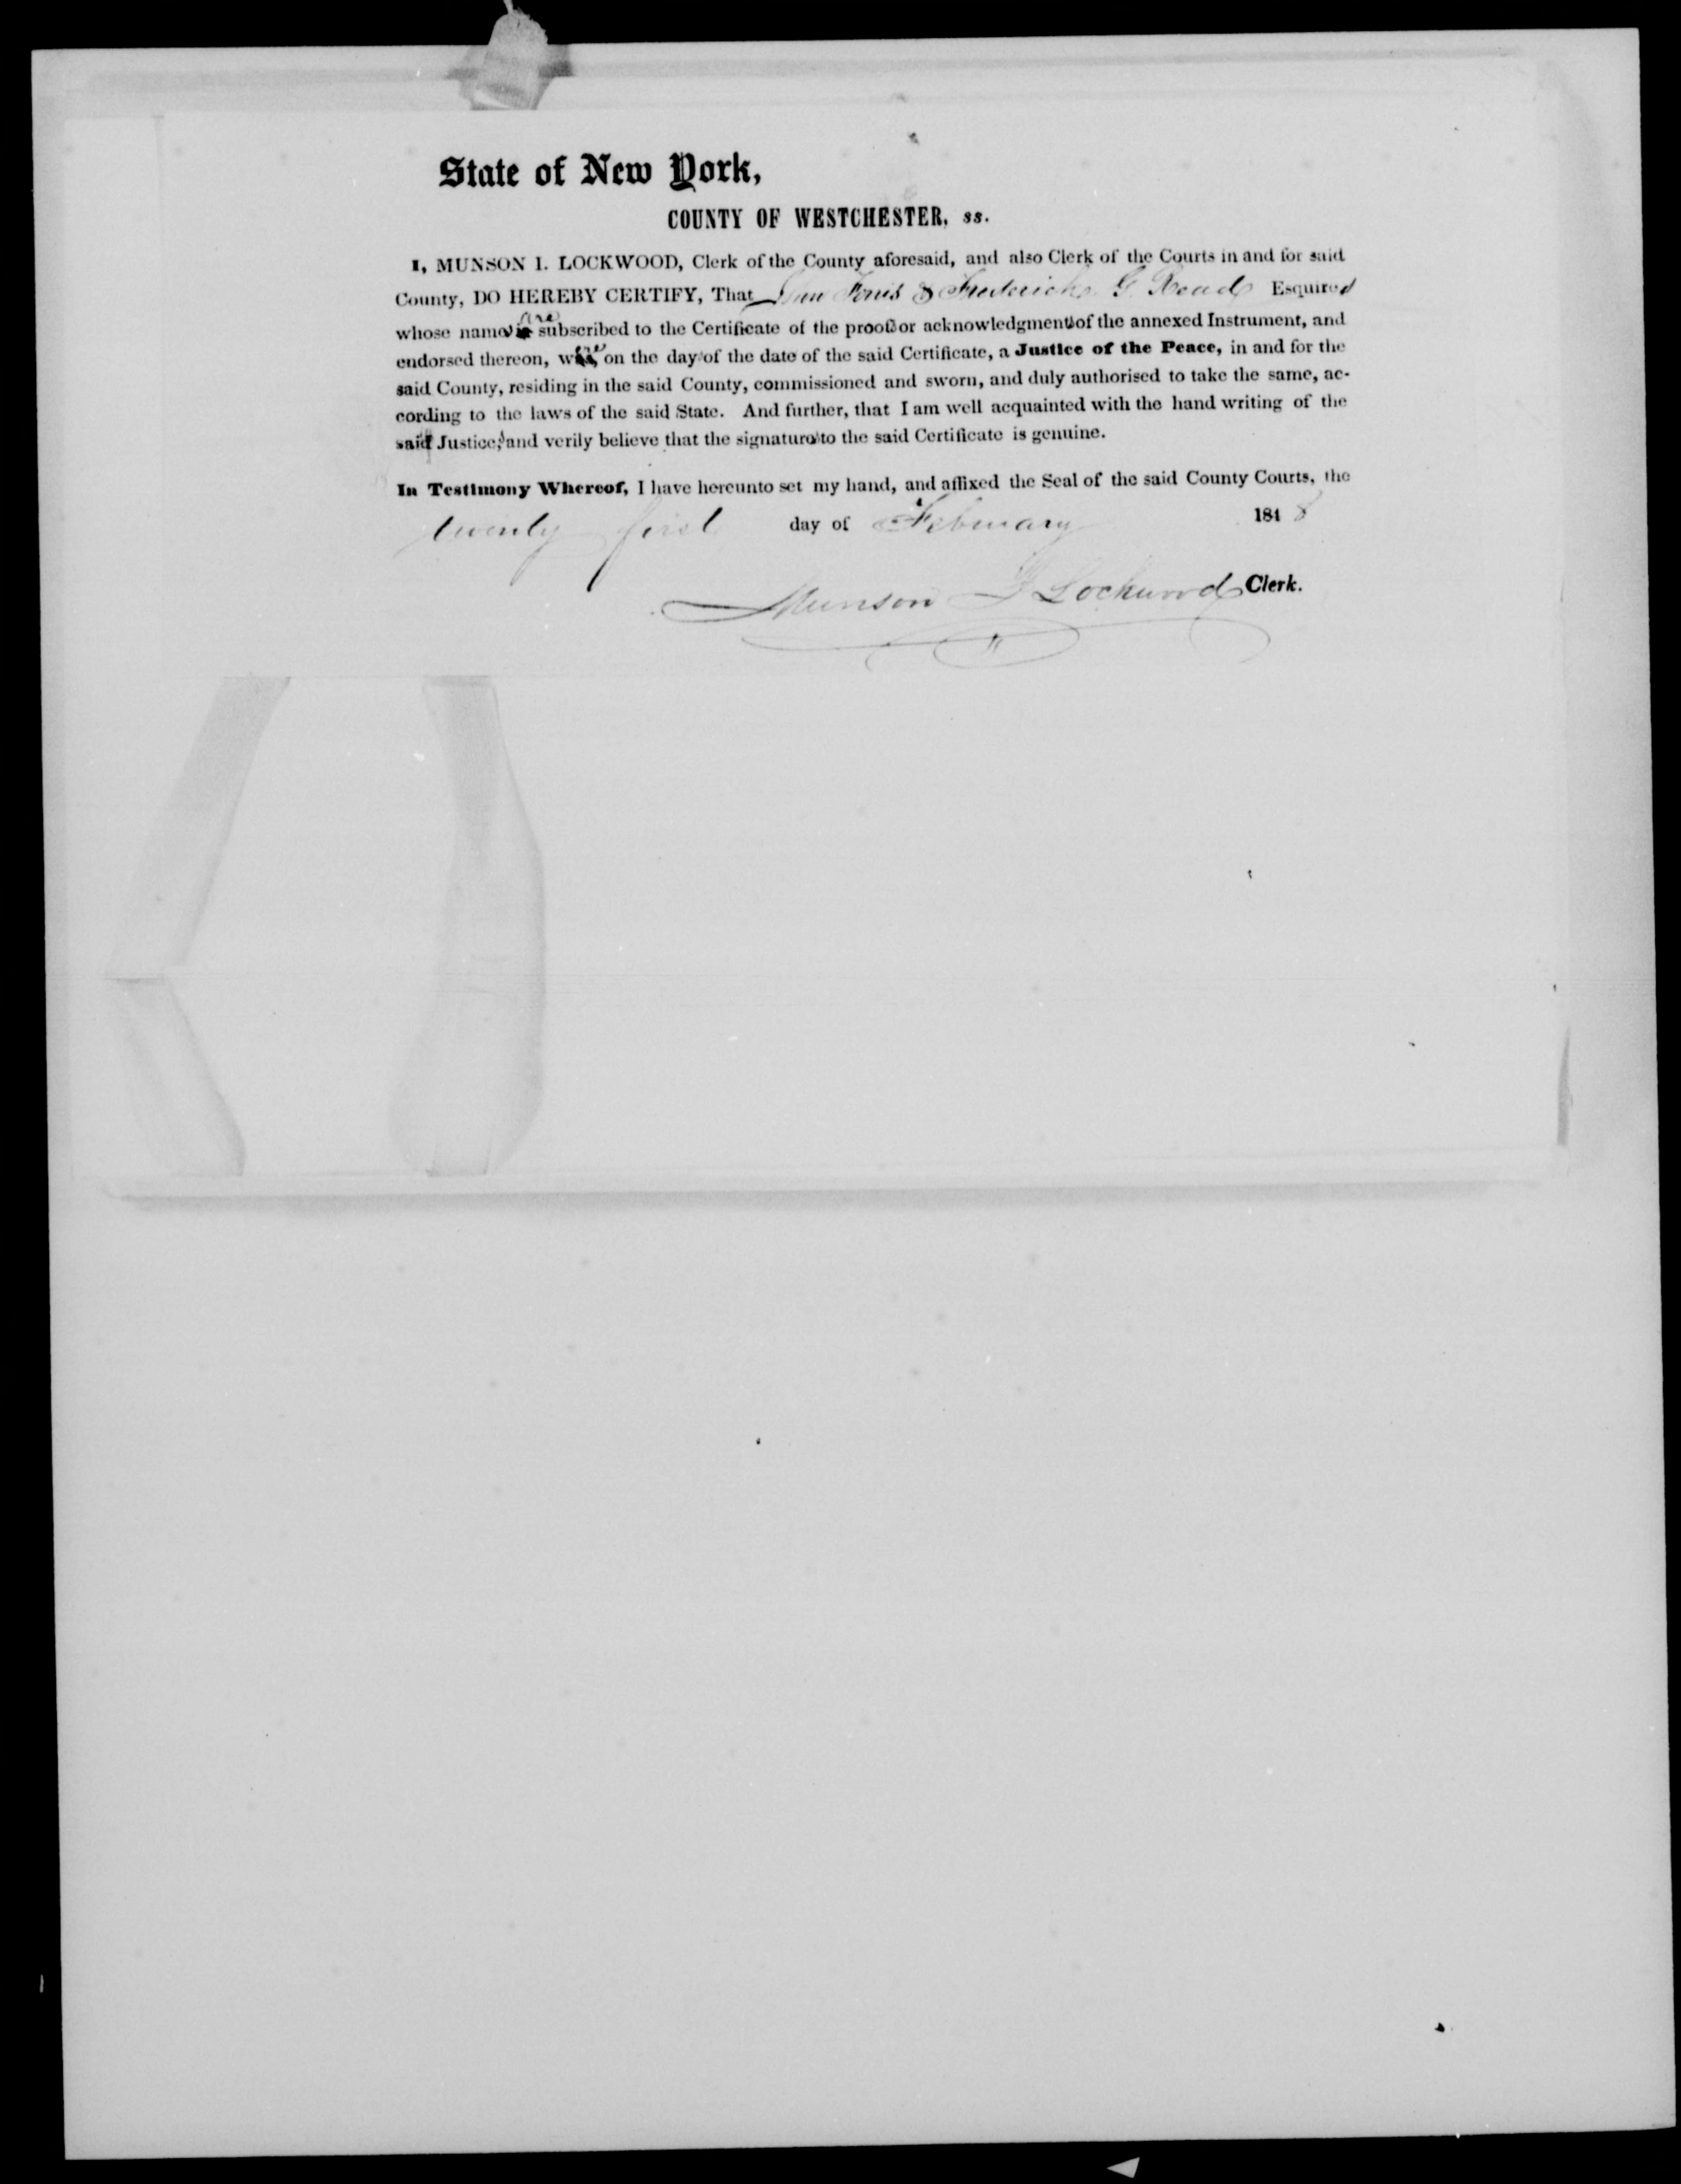State of New York, 
COUNTY OF WESTCHESTER, ss.

I, MUNSON I. LOCKWOOD, Clerk of the County aforesaid, and also Clerk of the Courts in and for said County, DO HEREBY CERTIFY, That John Ferris and Frederick G. Read Esquires, whose names are subscribed to the Certificate of the proof or acknowledgment of the annexed Instrument, and endorsed thereon, were, on the day of the date of the said Certificate, a Justice of the Peace, in and for the said County, residing in the said County, commissioned and sworn, and duly authorised to take the same, according to the laws of the said State.  And further, that I am well acquainted with the hand writing of the said Justice, and verily believe that the signature to the said Certificate is genuine.  

In Testimony Whereof, I have hereunto set my hand, and affixed the Seal of the said County Courts, the twenty first day of February 1848

M. I. Lockwood Clerk.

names: Frederick G Read; John Ferris; Munson I Lockwood; Munson I Lockwood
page: 30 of 77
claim: survivor's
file: S. 23003, for Silas Southerland, New York